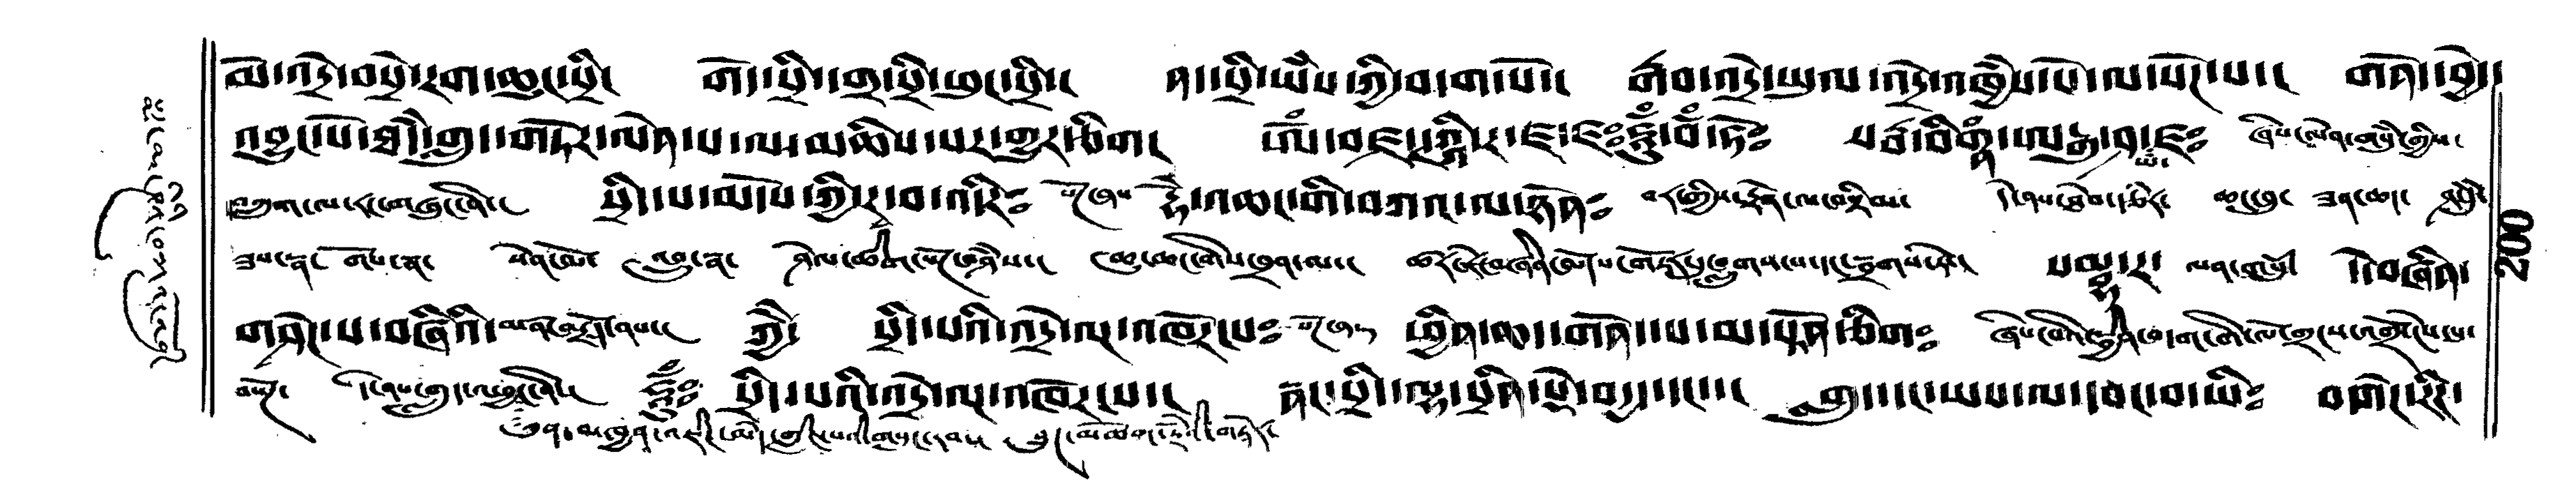མོ་འདྲེ་བསེ་རག་ཆུང་སྲི། གོད་སྲི་དགྲ་སྲི་ཕུང་སྲི། ནད་སྲི་ཡམས་ཀྱི་བདག་པོ། རྒབ་འདྲེ་ཡུལ་འདྲེ་འཁྱམས་པོ་ལ་སོགས་པ་གནོད་བྱེད་
འབྱུང་པོ་ཐམས་ཅད་གླུད་གཏོར་ལེན་པ་ལ་མཆིས་པར་གྱུར་ཅིག ཨོཾ་བཛྲ་ཊཀྐི་རཱ་ཛ་ཛཿཧཱུྃ་བྃ་ཧོཿ སརྦ་བིགྣཾ་ཨངྒུ་ཤ་ཡ་ཛཿ ཞེས་ལན་གསུམ་གྱིས་
བཀུག་ལ་རང་གཞུང་ནི། སྲིད་པ་མདོས་ཀྱི་རྭ་བ་འདིར། སོགས་ནས། རྡོ་རྗེ་འཆང་གི་བཀའ་ལ་ཉོན།བར་གྱིས་རྟེན་ལ་བསྟིམ། དེ་ནས་ཐེབ་རྩེར། ཆང་བུ། ཟན་ཆད། ཤ་དུམ། 
ཟས་སྣ། གོས་སྣ། སེན་མོ། འབྲུ་སྣ། ཤེལ་ཚིག་སོགས་བཤམས། ཆུ་ཆང་གིས་བྲན་ལ། ཚར་རེ་བཞིན་མདོས་གཏོར་དུ་བླུགས་པ་དང་སྦྲགས་ཏེ། སམྦྷ་ར༴ ལན་གསུམ། དེ་བཞིན་
གཤེགས་པ་བཞིའི་མཚན་བརྗཽད་ནས། ཀྱཻ། སྲིད་པའི་འདྲེ་ལྔ་འཁོར་དང་བཅས། སོགས་ནས། ཕྱིན་ཆད་གནོད་པ་མ་སྟོན་ཅིག ཞེས་པའི་སྦྱིན་བདག་གི་ལོ་གྲངས་འགྲོ་ངེས་སུ་
གསོགས། དེ་ནས་གླུད་འཕྱང་ནི། ཧཱུྃ། སྲིད་པའི་འདྲེ་ལྔ་འཁོར་དང་བཅས། །སྣང་སྲིད་ལྷ་སྲིན་སྡེ་བརྒྱད་དང་། །གླུད་དང་ཡས་ལ་དབང་བ་ཡི། །བགེགས་རིགས་